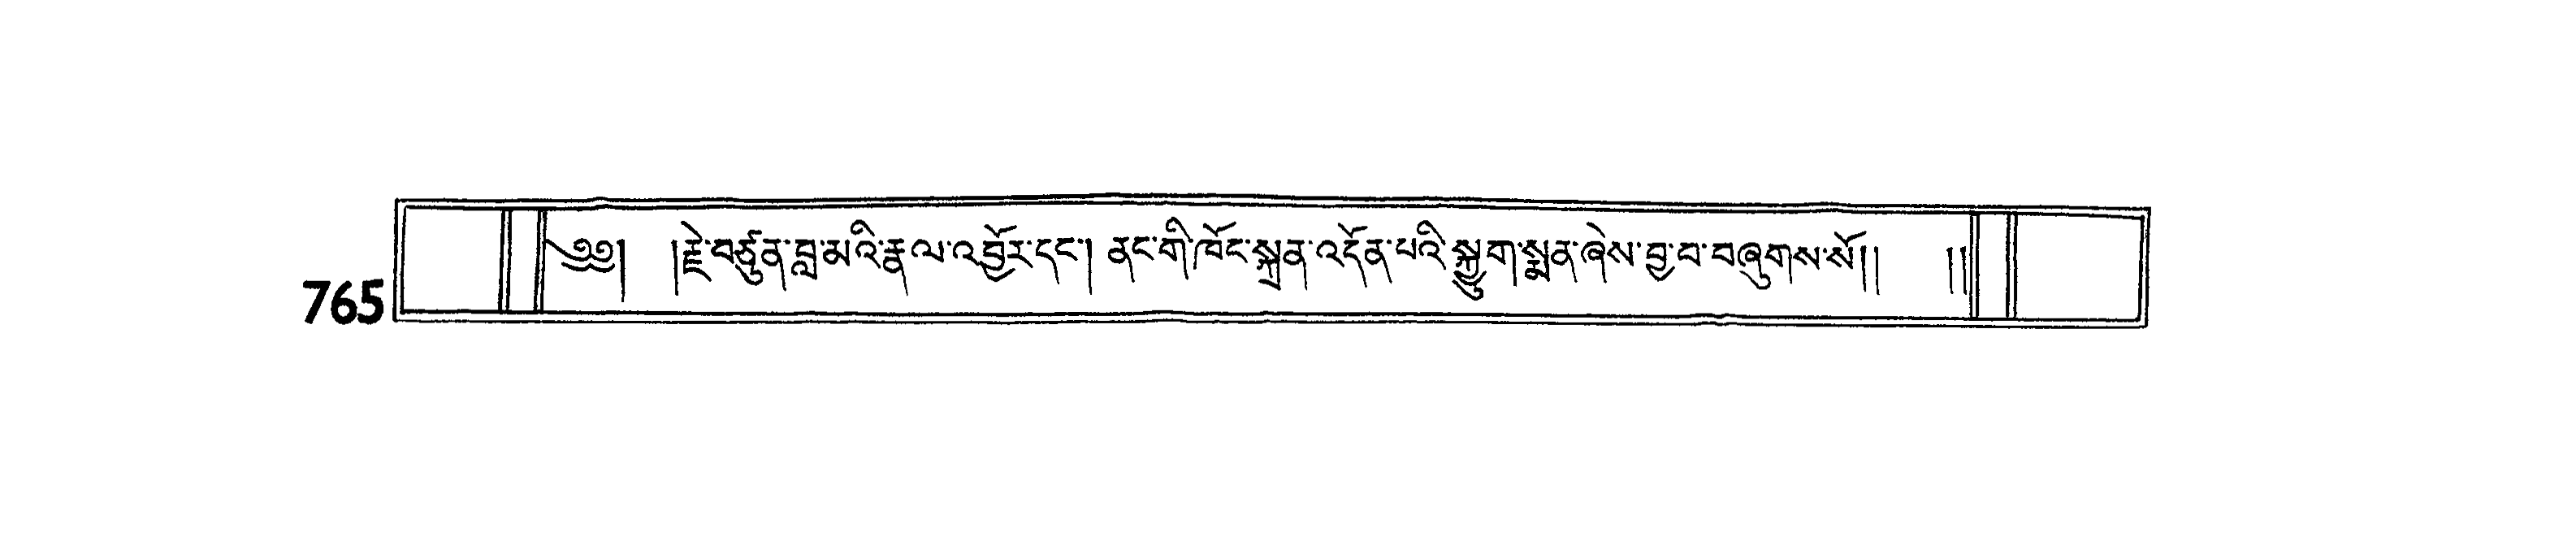༄༅། །རྗེ་བཙུན་བླ་མའི་རྣལ་འབྱོར་དང་། ནང་གི་ཁོང་སྐྲན་འདོན་པའི་སྐྱུག་སྨན་ཞེས་བྱ་བ་བཞུགས་སོ།། །།